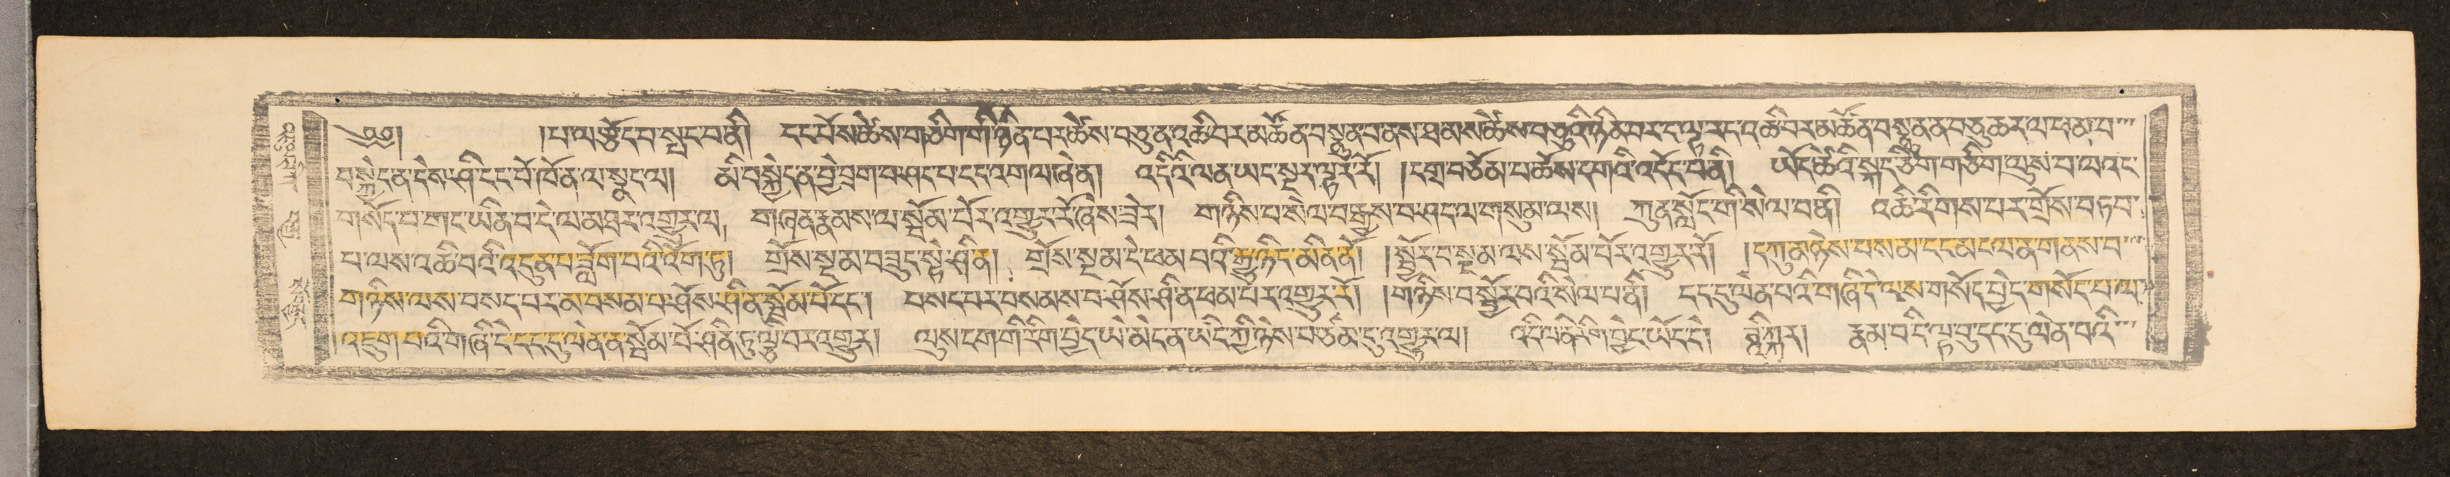༄༅། །པ་ལ་རྩོད་པ་སྤང་བ་ནི། དང་པོས་ཚེས་གཅིག་གི་ཉིན་པར་ཚེས་བཅུ་ན་འཆི་བར་མཚོན་བསྣུན་པ་ནས་ཐ་མས་ཚེས་བཅུའི་ཉིན་པར་ད་ལྟ་རང་འཆི་བར་མཚོན་བསྣུན་ན་བཅུ་ཆར་ལ་ཕམ་པ་
བསྐྱེད་ན་དེས་ཤི་དང་པོ་ཁོ་ན་ལ་སྣང་ལ། མི་བསྐྱེད་ན་བྱེ་བྲག་བཤད་པ་དང་འགལ་ཞེ་ན། འདིའི་ལན་ཡང་སྔར་ལྟར་རོ། །དགྲ་བཅོམ་པ་ཆོས་དགའི་འདོད་པ་ནི། ཡོད་ཚེའི་སྐད་ཅིག་གཅིག་ལུས་པ་ལའང་
གསོད་པ་གང་ཡིན་པ་དེ་ལ་མཐར་འགྱུར་ལ། གཞན་རྣམས་ལ་སྦོམ་པོར་འགྱུར་རོ་ཞེས་ཟེར། གཉིས་པ་སེལ་བ་རྒྱས་བཤད་ལ་གསུམ་ལས། ཀུན་སློང་གི་སེལ་བ་ནི། འཆི་རིགས་པར་གྲོས་བཏབ་
པ་ལས་འཆི་བའི་འདུན་པ་ཟློག་པའི་འོག་ཏུ། གྲོས་སྔ་མ་བཟུང་སྟེ་ཤི་ན། གྲོས་སྔ་མ་དེ་ཕམ་པའི་རྒྱུ་ཉིད་མིན་ནོ། །སྦྱོར་བསྔམ་ལས་སྦོམ་པོར་འགྱུར་རོ། །དཀུ་མཉེས་པས་མ་དང་མ་ངལ་ན་གནས་པ་
གཉིས་ལས་བསད་པར་མ་བསམ་པ་ཤོས་ཤི་ན་སྦོམ་པོ་དང་། བསང་པར་བསམས་པ་ཤོས་ཤི་ན་ཕམ་པར་འགྱུར་རོ། །གཉིས་པ་སྦྱོར་བའི་སེལ་བ་ནི། དང་དུ་ལེན་པའི་གཞི་དེ་ལས་གསོད་བྱེད་གསོད་པ་ལ་
འཇུག་པའི་གཞི་དེ་དང་དུ་ལེན་ན་སྦོམ་པོ་ཤིན་ཏུ་ལྕི་བར་འགྱུར། ལུས་ངག་གི་རིག་བྱེད་ཡེ་མིད་ན་ཡིད་ཀྱི་ཉེས་པ་ཙམ་དུ་འགྱུར་ལ། འདི་ལ་ནི་རིག་བྱེད་ཡོད་དེ། ཊཱིཀྐར། རྣམ་པ་དེ་ལྟ་བུ་དང་དུ་ལེན་པའི་